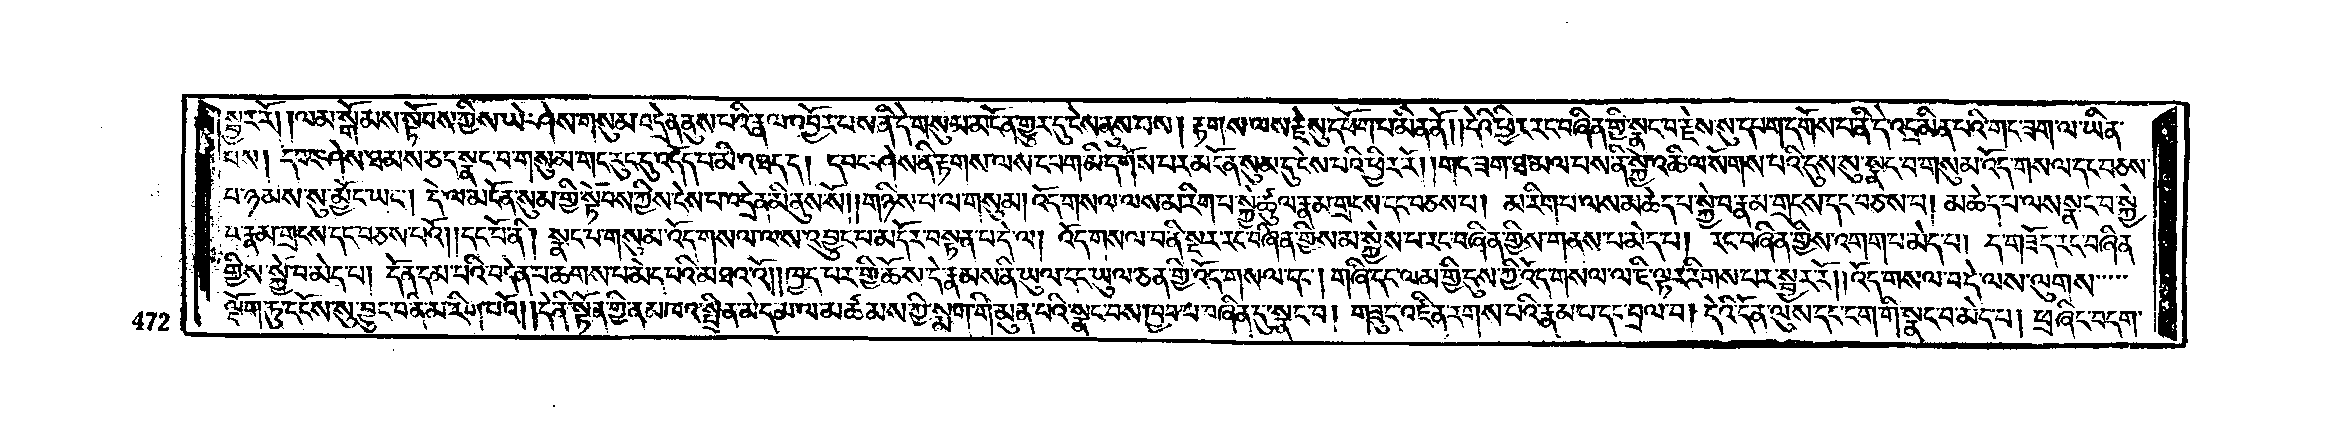སྦྱར་རོ། །ལམ་སྒོམས་སྟོབས་ཀྱིས་ཡེ་ཤེས་གསུམ་འདྲེན་ནུས་པའི་རྣལ་འབྱོར་པས་ནི་དེ་གསུམ་མངོན་གྱུར་དུ་ངེས་ནུས་པས། རྟགས་ལས་རྗེས་སུ་དཔོག་པ་མིན་ནོ། །དེའི་ཕྱིར་རང་བཞིན་གྱི་སྣང་བ་རྗེས་སུ་དཔག་དགོས་པ་ནི་དེ་འདྲ་མིན་པའི་གང་ཟག་ལ་ཡིན་
པས། དབང་ཤེས་ཐམས་ཅད་སྣང་བ་གསུམ་གང་རུང་དུ་འདོད་པ་མི་འཐད་དེ། དབང་ཤེས་ནི་རྟགས་ལས་དཔག་མི་དགོས་པར་མངོན་སུམ་དུ་ངེས་པའི་ཕྱིར་རོ། །གང་ཟག་ཐ་མལ་པས་ནི་སྐྱེ་འཆི་ལ་སོགས་པའི་དུས་སུ་སྣང་བ་གསུམ་འོད་གསལ་དང་བཅས་
པ་ཉམས་སུ་མྱོང་ཡང་། དེ་ལ་མངོན་སུམ་གྱི་སྟོབས་ཀྱིས་ངེས་པ་འདྲེན་མི་ནུས་སོ། །གཉིས་པ་ལ་གསུམ། འོད་གསལ་ལས་མ་རིག་པ་སྐྱེ་ཚུལ་རྣམ་གྲངས་དང་བཅས་པ། མ་རིག་པ་ལས་མཆེད་པ་སྐྱེ་བ་རྣམ་གྲངས་དང་བཅས་པ། མཆེད་པ་ལས་སྣང་བ་སྐྱེ་
བ་རྣམ་གྲངས་དང་བཅས་པའོ། །དང་པོ་ནི། སྣང་བ་གསུམ་འོད་གསལ་ལས་འབྱུང་བ་མདོར་བསྟན་པ་དེ་ལ། འོད་གསལ་བ་ནི་སྔར་རང་བཞིན་གྱིས་མ་སྐྱེས་པ་རང་བཞིན་གྱིས་གནས་པ་མེད་པ། རང་བཞིན་གྱིས་འགག་པ་མེད་པ། ད་གཟོད་རང་བཞིན་
གྱིས་སྐྱེ་བ་མེད་པ། དོན་དམ་པའི་བདེན་པ་ཆགས་པ་མེད་པའི་མཐའ་འོ། །ཁྱད་པར་གྱི་ཆོས་དེ་རྣམས་ནི་ཡུལ་དང་ཡུལ་ཅན་གྱི་འོད་གསལ་དང་། གཞི་དང་ལམ་གྱི་དུས་ཀྱི་འོད་གསལ་ལ་ཇི་ལྟར་རིགས་པར་སྦྱར་རོ། །འོད་གསལ་བ་དེ་ལས་ལུགས་
ལྡོག་ཏུ་དངོས་སུ་བྱུང་བ་ནི་མ་རིག་པའོ། །དེ་ནི་སྟོན་གྱི་ནམ་མཁའ་སྤྲིན་མེད་པ་ལ་མཚམས་ཀྱི་སྨག་གི་མུན་པའི་སྣང་བས་ཁྱབ་པ་བཞིན་དུ་སྣང་བ། གཟུང་འཛིན་རགས་པའི་རྣམ་པ་དང་བྲལ་བ། དེའི་དོན་ལུས་དང་ངག་གི་སྣང་བ་མེད་པ། ཕྲ་ཞིང་བདག་